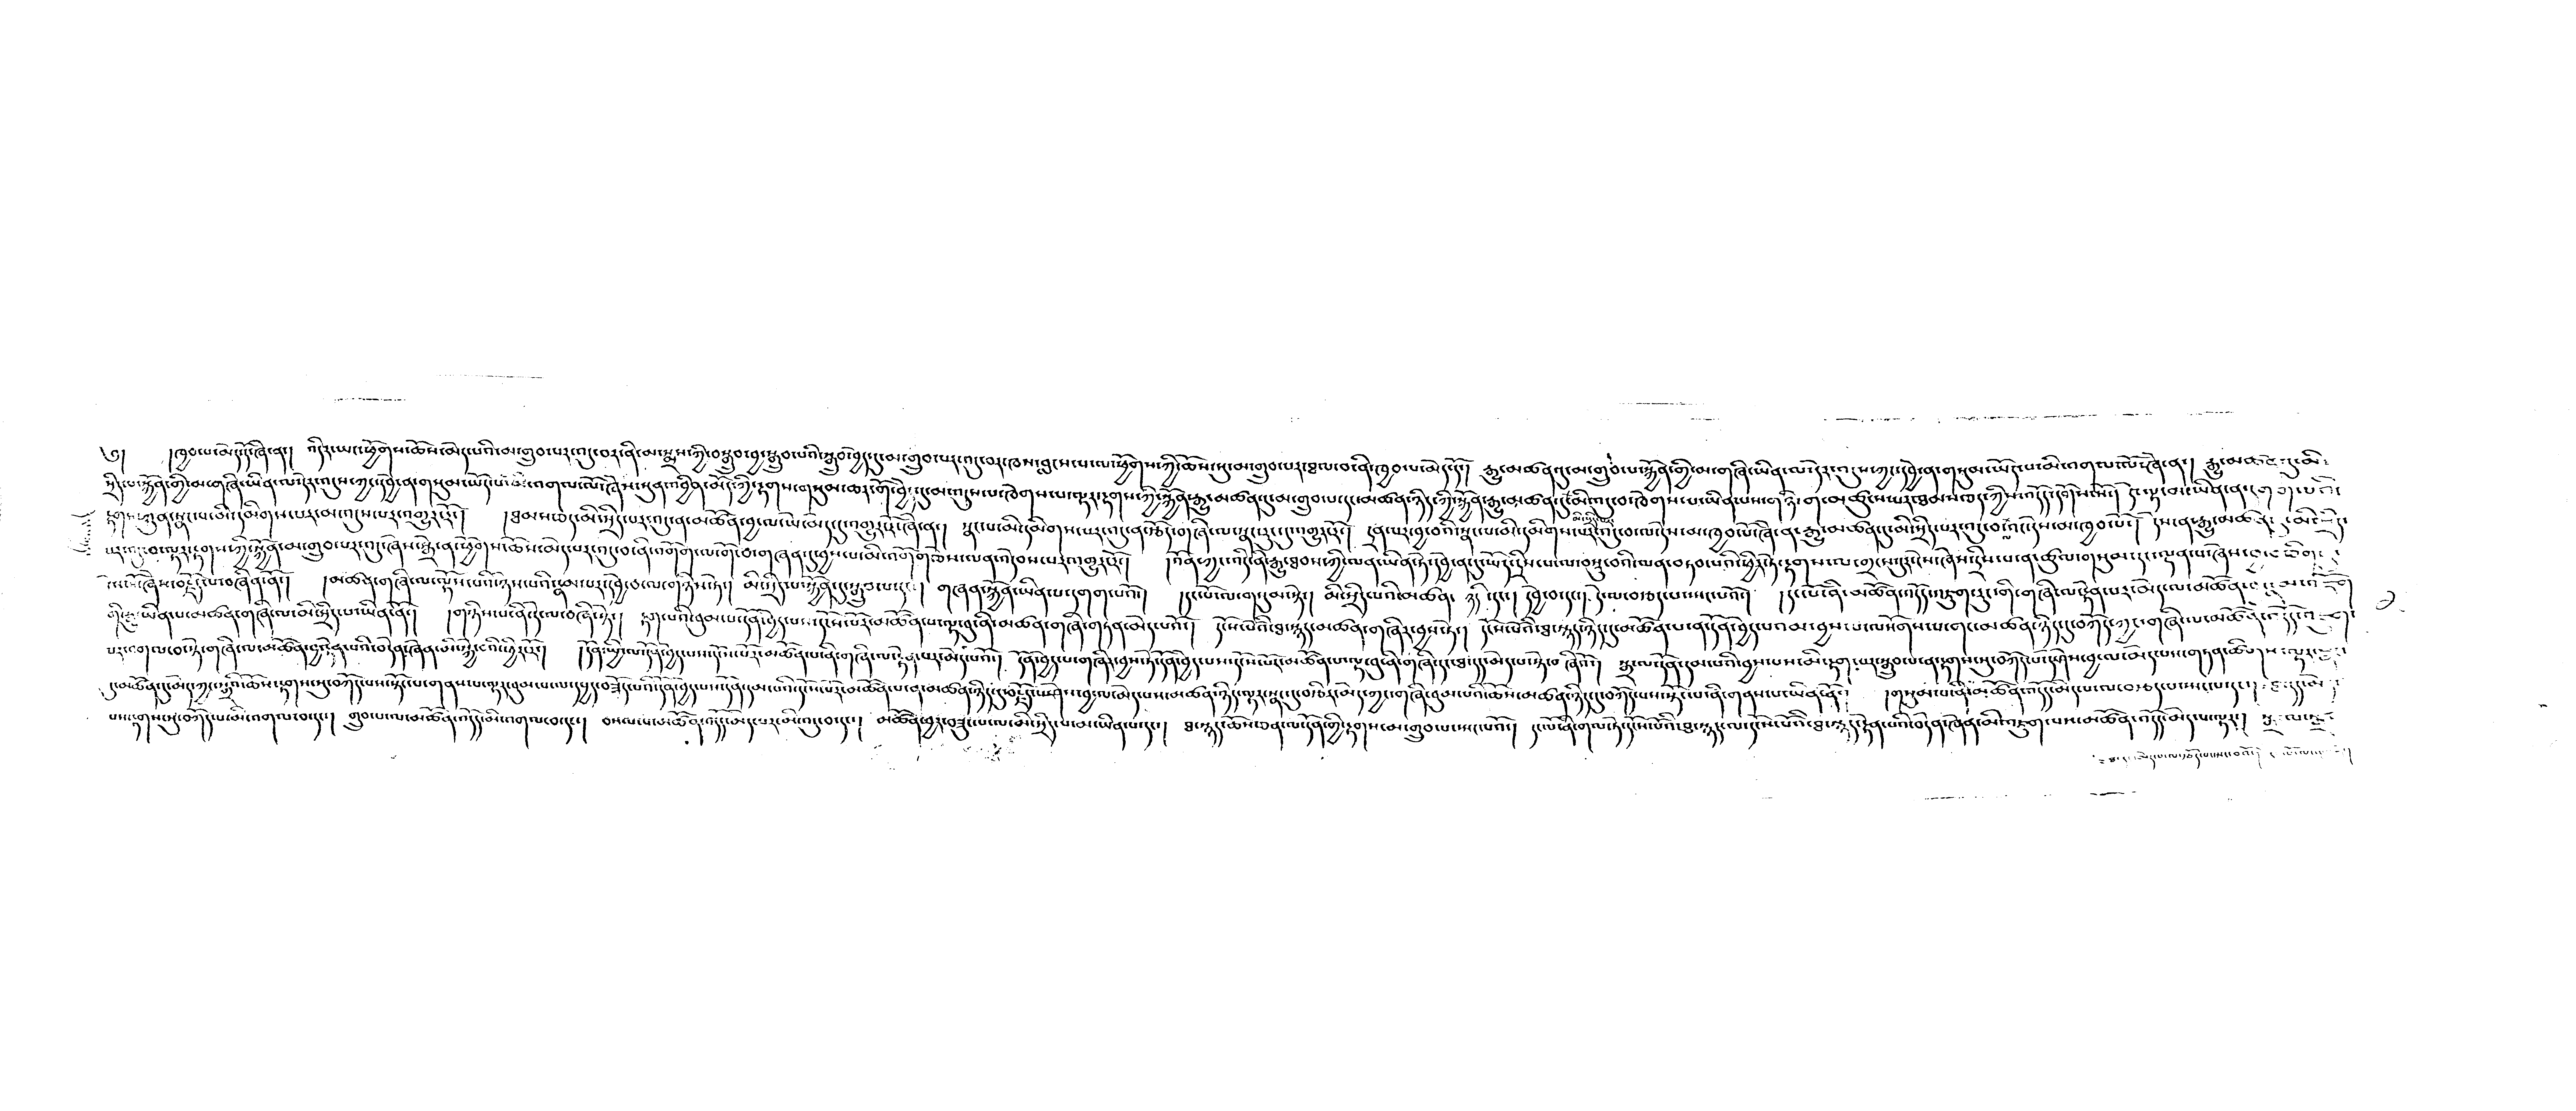ཨི་༈། །ཁྱབ་པ་མེད་དོ་ཞེ་ན། འདིར་ཡང་ཕྱོགས་ཆོས་མེད་པའི་མ་གྲུབ་པར་འདུ་བར་ནི་མ་སྨྲས་ཀྱི་བསྒྲུབ་བྱ་སྒྲུབ་པའི་སྒྲུབ་བྱེད་དུ་མ་གྲུབ་པར་འདུ་བར་ཁས་བླངས་པ་ལ་ཕྱོགས་ཀྱི་ཆོས་སུ་མ་གྲུབ་པར་ཐལ་བ་ནི་ཁྱབ་པ་མེད་དོ། རྒྱུ་མཚན་དུ་མ་གྲུབ་པ་སྐྱོན་གྱི་མ་གཞི་ཡིན་ལ་དེར་འདུས་ཀྱང་དབྱེ་ན་གསུམ་ཡོད་པ་མི་འགལ་ལོ་ཞེ་ན། རྒྱུ་མཚན་དུ་མི་
སྲིད་པ་སྐྱོན་གྱི་མ་གཞི་ཡིན་ལ་དེར་འདུས་ཀྱང་དབྱེ་ན་གསུམ་ཡོད་པ་མི་འགལ་ལོ་ཞེས་སུན་འབྱིན་མོད་ཀྱི་རྟགས་གསུམ་ཆར་གོ་བྱེད་དུ་མ་འདུས་པ་ཁེགས་པ་ལྟར་རྟགས་ཀྱི་སྐྱོན་རྒྱུ་མཚན་དུ་མ་གྲུབ་པ་དང་མཚན་ཉིད་ཀྱི་སྐྱོན་རྒྱུ་མཚན་དུ་མི་སྲིད་པར་མི་འདུ་བ་ཁེགས་པ་ཡིན་པས་གཉི་ག་མཚུངས་པར་ཐམས་ཅད་ཀྱིས་འདོད་དགོས་སོ། དེ་ལྟ་མ་ཡིན་ན་དགག་པའི་
རྟགས་ཀུན་སྣང་པ་མི་དམིགས་པར་མ་འདུས་པར་འགྱུར་རོ། །ཐམས་ཅད་མི་སྲིད་པར་འདུ་ན་མཚོན་བྱ་ལ་ཡེ་མེད་དུ་འགྱུར་རོ་ཞེ་ན། སྣང་པ་མི་དམིགས་པར་འདུ་ན་རྩོད་གཞི་ལ་སྣང་རུང་དུ་འགྱུར་རོ། དྲན་པར་བྱ་བའི་སྣང་པ་མི་དམིགས་པར་འདུ་བ་ལ་དེས་མ་ཁྱབ་པོ་ཞེ་ན་རྒྱུ་མཚན་དུ་མི་སྲིད་པར་འདུ་བ་ལ་འང་དེས་མ་ཁྱབ་པོ། དེས་ན་རྒྱུ་མཚན་དུ་མི་སྲིད་
པར་འདུ་བ་ལྟར་རྟགས་ཀྱི་སྐྱོན་མ་གྲུབ་པར་འདུ་ཞེས་སྒྲེ་ན་ཕྱོགས་ཆོས་མེད་པར་འདུ་བ་ནི་འགོག་ལ་གོ་བ་གཞན་དུ་བྱས་པ་མི་འགོག་ཅེས་ལན་འདེབས་པར་འགྱུར་རོ། །འོན་ཀྱང་འདི་ནི་རྒྱུ་ཐབས་ཀྱི་ལན་ཡིན་ཏེ་དབྱེ་ན་དུ་ཡོད་དྲིས་པ་ལ་བསྡུ་བའི་ལན་བཏབ་པའི་ཕྱིར་ཏེ་རྟགས་ལ་གྲངས་དུར་ངེས་ཞེས་དྲིས་པ་ན་ཚུལ་གསུམ་དང་ལྡན་པ་ཞེས་བྱ་བ་ཅིག་དུ་
ངེས་སོ་ཞེས་བརྗོད་པ་བཞིན་ནོ། །མཚན་གཞི་ལ་ལྟོས་པའི་ཉེས་པའི་རྣམ་པར་དབྱེ་བ་ལ་གཉིས་ཏེ། མི་སྲིད་པ་སྐྱོན་དུ་སྒྲུབ་པ་དང་། གཞན་སྐྱོན་ཡིན་པ་དགག་པའོ། །དང་པོ་ལ་ག་དུམ་སྟེ། མི་སྲིད་པའི་མཚན་ཉིད་དང་། དབྱེ་བ་དང་། དེ་ལ་བརྩད་པ་སྤང་པའོ། །དང་པོ་ནི་མཚོན་འདོད་འཇུག་རུང་གི་གཞི་ལ་རྟེན་པར་མེད་ལ་མཚོན་བ་རྣམ་འཇོག་
གི་རྒྱུ་ཡིན་པ་མཚན་གཞི་ལ་མི་སྲིད་པ་ཡིན་ནོ། །གཉིས་པ་ནི་དེ་ལ་བཞི་སྟེ། རྟག་པའི་བུམ་པ་དོན་བྱེད་པས་དངོས་པོར་མཚོན་པ་ལྟ་བུ་ནི་མཚན་གཞི་གཏན་མེད་པའོ། དངོས་པོའི་ཐ་སྙད་མཚན་གཞིར་བྱས་ཏེ། དངོས་པོའི་ཐ་སྙད་ཉིད་དུ་མཚོན་པ་ན་དོན་བྱེད་པའམ་བྱས་པ་ལ་སོགས་པ་གང་མཚན་ཉིད་དུ་བཀོད་ཀྱང་གཞི་ལ་མཚོན་འདོད་འཇུག་
པར་འགལ་བ་སྟེ་གཞི་ལ་མཚོན་བྱ་རྟེན་པའི་བདེན་ཞེན་མི་སྐྱེ་བའི་ཕྱིར་རོ། །དོན་སྤྱི་ལ་དོན་བྱེད་པས་དངོས་པོར་མཚོན་པ་ནི་གཞི་ལ་རྟེན་པར་མེད་པའོ། དོན་བྱེད་པ་གཞིར་བྱས་ཏེ་དོན་བྱེད་པས་དངོས་པོར་མཚོན་པ་ལྟ་བུ་ནི་གཞི་དང་ཐ་དད་མེད་པ་སྟེ་བཞིའོ། སྒྲ་ལ་དོན་དམ་པའི་བྱས་པས་མི་རྟག་པར་སྒྲུབ་པ་ན་རྟགས་སུ་བཀོད་པ་དེ་ཤེས་བྱ་ལ་མེད་པས་གཏན་ཚིགས་ལྟར་སྣང་
དུ་མཚོན་དུ་མེད་ཀྱང་སྒྲའི་ཆོས་རྟགས་སུ་བཀོད་པས་སྟོང་པ་གནས་པ་ལྟར་བུམ་པ་ལ་དཔྱད་བཟོད་པའི་དོན་བྱེད་པ་འདོན་དམ་པའི་དངོས་པོར་མཚོན་པ་ན་མཚན་ཉིད་དུ་བརྗོད་པ་ཤེས་བྱ་ལ་མེད་པས་མཚན་ཉིད་ལྟར་སྣང་དུ་བརྩིར་མེད་ཀྱང་གཞི་བུམ་པའི་ཆོས་མཚན་ཉིད་དུ་བཀོད་པས་སྟོང་པ་ནི་གནས་པ་ཡིན་ནོ། །གསུམ་པ་ནི་མཚོན་འདོད་མེད་པ་ལ་བརྩད་པ་སྤང་པ་དང་། ཐ་དད་མེད་
པས་རྟགས་སུ་བཀོད་པ་མི་འགལ་བ་དང་། གྲུབ་པ་ལ་མཚོན་འདོད་མི་འགལ་བ་དང་། བསལ་པ་མཚོན་འདོད་མེད་པར་མི་འདུ་བ་དང་། མཚོན་བྱར་བཟུང་པ་ལ་མི་སྲིད་པ་མ་ཡིན་པ་དང་། ཐ་སྙད་ཆོས་ཅན་ལ་དོན་གྱི་རྟགས་མ་གྲུབ་པ་སྤང་པའོ། དང་པོ་ནི་གལ་ཏེ་དངོས་པོའི་ཐ་སྙད་ལ་དངོས་པོའི་ཐ་སྙད་རྟེན་པའི་བདེན་ཞེན་མི་འཇུག་པས་མཚོན་འདོད་མེད་པ་ལྟར། སྒྲ་ལ་སྒྲ་